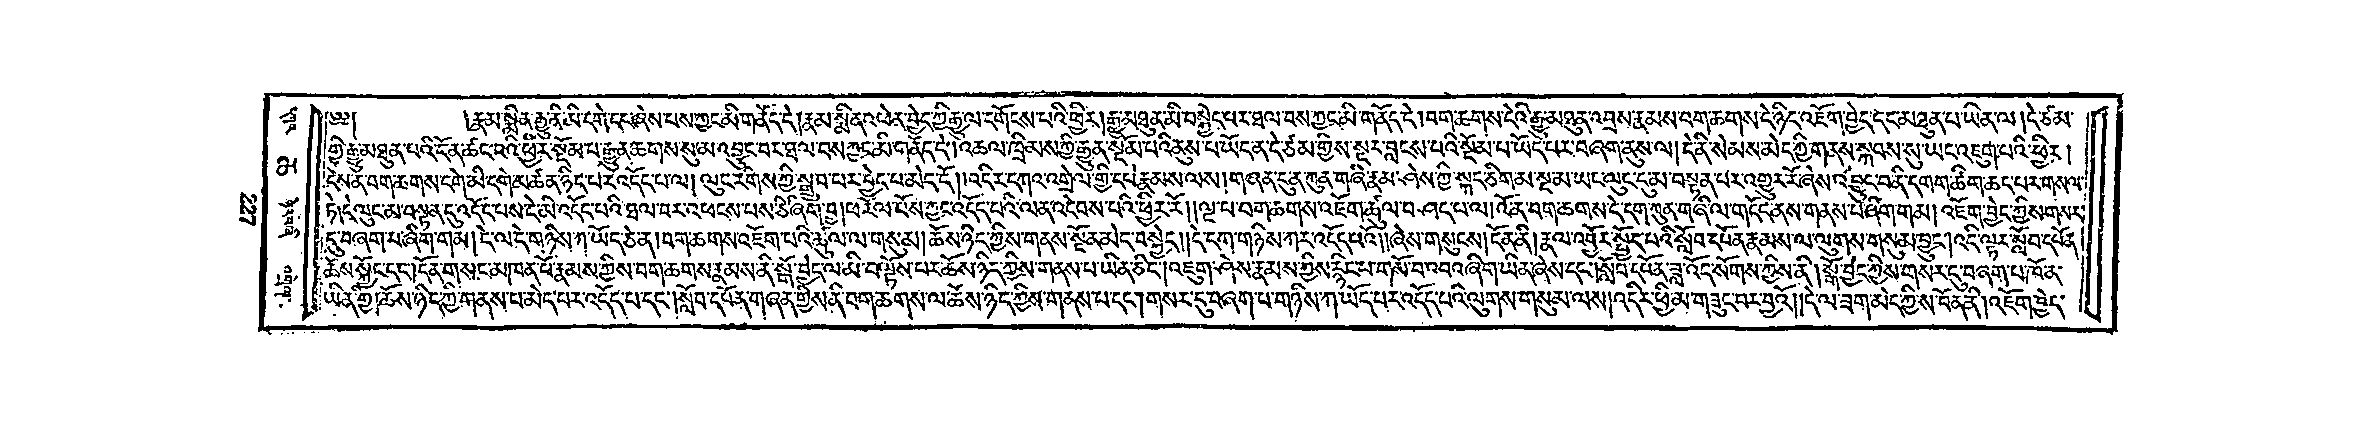༄༅། །རྣམ་སྨིན་རྒྱུ་ནི་མི་དགེ་དང་ཞེས་པས་ཀྱང་མི་གནོད་དེ། རྣམ་སྨིན་འཕེན་བྱེད་ཀྱི་རྒྱུ་ལ་དགོངས་པའི་ཕྱིར། རྒྱུ་མཐུན་མི་བསྐྱེད་པར་ཐལ་བས་ཀྱང་མི་གནོད་དེ། བག་ཆགས་དེའི་རྒྱུ་མཐུན་འབྲས་རྣམས་བག་ཆགས་དེ་ཉིད་འཇོག་བྱེད་དང་མཐུན་པ་ཡིན་ལ། དེ་ཙམ་
གྱི་རྒྱུ་མཐུན་པའི་དོན་ཚང་བའི་ཕྱིར་སྡོམ་པ་རྒྱུན་ཆགས་སུ་མ་འབྱུང་བར་ཐལ་བས་ཀྱང་མི་གནོད་དེ། འཆལ་ཁྲིམས་ཀྱི་རྒྱུན་སྡོམ་པའི་ནུས་པ་ཡོད་ན་དེ་ཙམ་གྱིས་སྔར་བླངས་པའི་སྡོམ་པ་ཡོད་པར་བཞག་ནུས་ལ། དེ་ནི་སེམས་མེད་ཀྱི་གནས་སྐབས་སུ་ཡང་འཇུག་པའི་ཕྱིར་
དེས་ནི་བག་ཆགས་དགེ་མི་དགེ་མཚན་ཉིད་པར་འདོད་པར་ལ། ལུང་རིགས་ཀྱི་སྒྲུབ་པར་བྱེད་པར་མེད་དོ། །འདི་དཀའ་འགྲེལ་གྱི་དཔེ་རྣམས་ལས། གཞན་དུ་ཀུན་གཞི་རྣམ་ཤེས་ཀྱི་སྐད་ཅིག་མ་སྔ་མ་ཡང་ལུང་དུ་མ་བསྟན་པར་འགྱུར་རོ་ཞེས་འབྱུང་བ་ནི་དགག་ཚིག་ཆད་པར་གསལ་
ཏེ། དེ་ལུང་མ་བསྟན་དུ་འདོད་པས་དེ་མི་འདོད་པའི་ཐལ་བར་འཕངས་པས་ཅི་ཞིག་བྱ། ཕ་རོལ་པོས་ཀྱང་འདོད་པའི་ལན་འདེབས་པའི་ཕྱིར་རོ། །ལྔ་པ་བག་ཆགས་འཇོག་ཚུལ་བཤད་པ་ལ། འོ་ན་བག་ཆགས་དེ་དག་ཀུན་གཞི་ལ་གདོད་ནས་གནས་པ་ཞིག་གམ། འཇོག་བྱེད་ཀྱིས་གསར་
དུ་བཞག་པ་ཞིག་གམ། དེ་ལ་དེ་གཉིས་ཀ་ཡོད་ཅེ་ན། བག་ཆགས་འཇོག་པའི་ཚུལ་ལ་གསུམ། ཆོས་ཉིད་ཀྱིས་གནས་སྔོན་མེད་བསྐྱེད། །དེ་དག་གཉིས་ཀར་འདོད་པའོ། །ཞེས་གསུངས། དོན་ནི། རྣལ་འབྱོར་སྤྱོད་པའི་སློབ་དཔོན་རྣམས་ལ་ལུགས་གསུམ་བྱུང་། འདི་ལྟར་སློབ་དཔོན་
ཆོས་སྐྱོང་དང་། དོན་གསང་མཁན་པོ་རྣམས་ཀྱིས་བག་ཆགས་རྣམས་ནི་སྒོ་བྱེད་ལ་མི་བལྟོས་པར་ཆོས་ཉིད་ཀྱིས་གནས་པ་ཡིན་ཅིང་། འཇུག་ཤེས་རྣམས་ཀྱིས་རྙིང་པོ་གསོ་བ་འབའ་ཞིག་ཡིན་ཞེས་དང་། སློབ་དཔོན་ཟླ་འོད་སོགས་ཀྱིས་ནི། སྒོ་བྱེད་ཀྱིས་གསར་དུ་བཞག་པ་ཁོ་ན་
ཡིན་གྱི། ཆོས་ཉིད་ཀྱི་གནས་པ་མེད་པར་འདོད་པ་དང་། སློབ་དཔོན་གཞན་གྱིས་ནི་བག་ཆགས་ལ་ཆོས་ཉིད་ཀྱིས་གནས་པ་དང་། གསར་དུ་བཞག་པ་གཉིས་ཀ་ཡོད་པར་འདོད་པའི་ལུགས་གསུམ་ལས། འདིར་ཕྱི་མ་གཟུང་བར་བྱའོ། །དེ་ལ་ཟག་མེད་ཀྱི་ས་བོན་ནི། འཇོག་བྱེད་